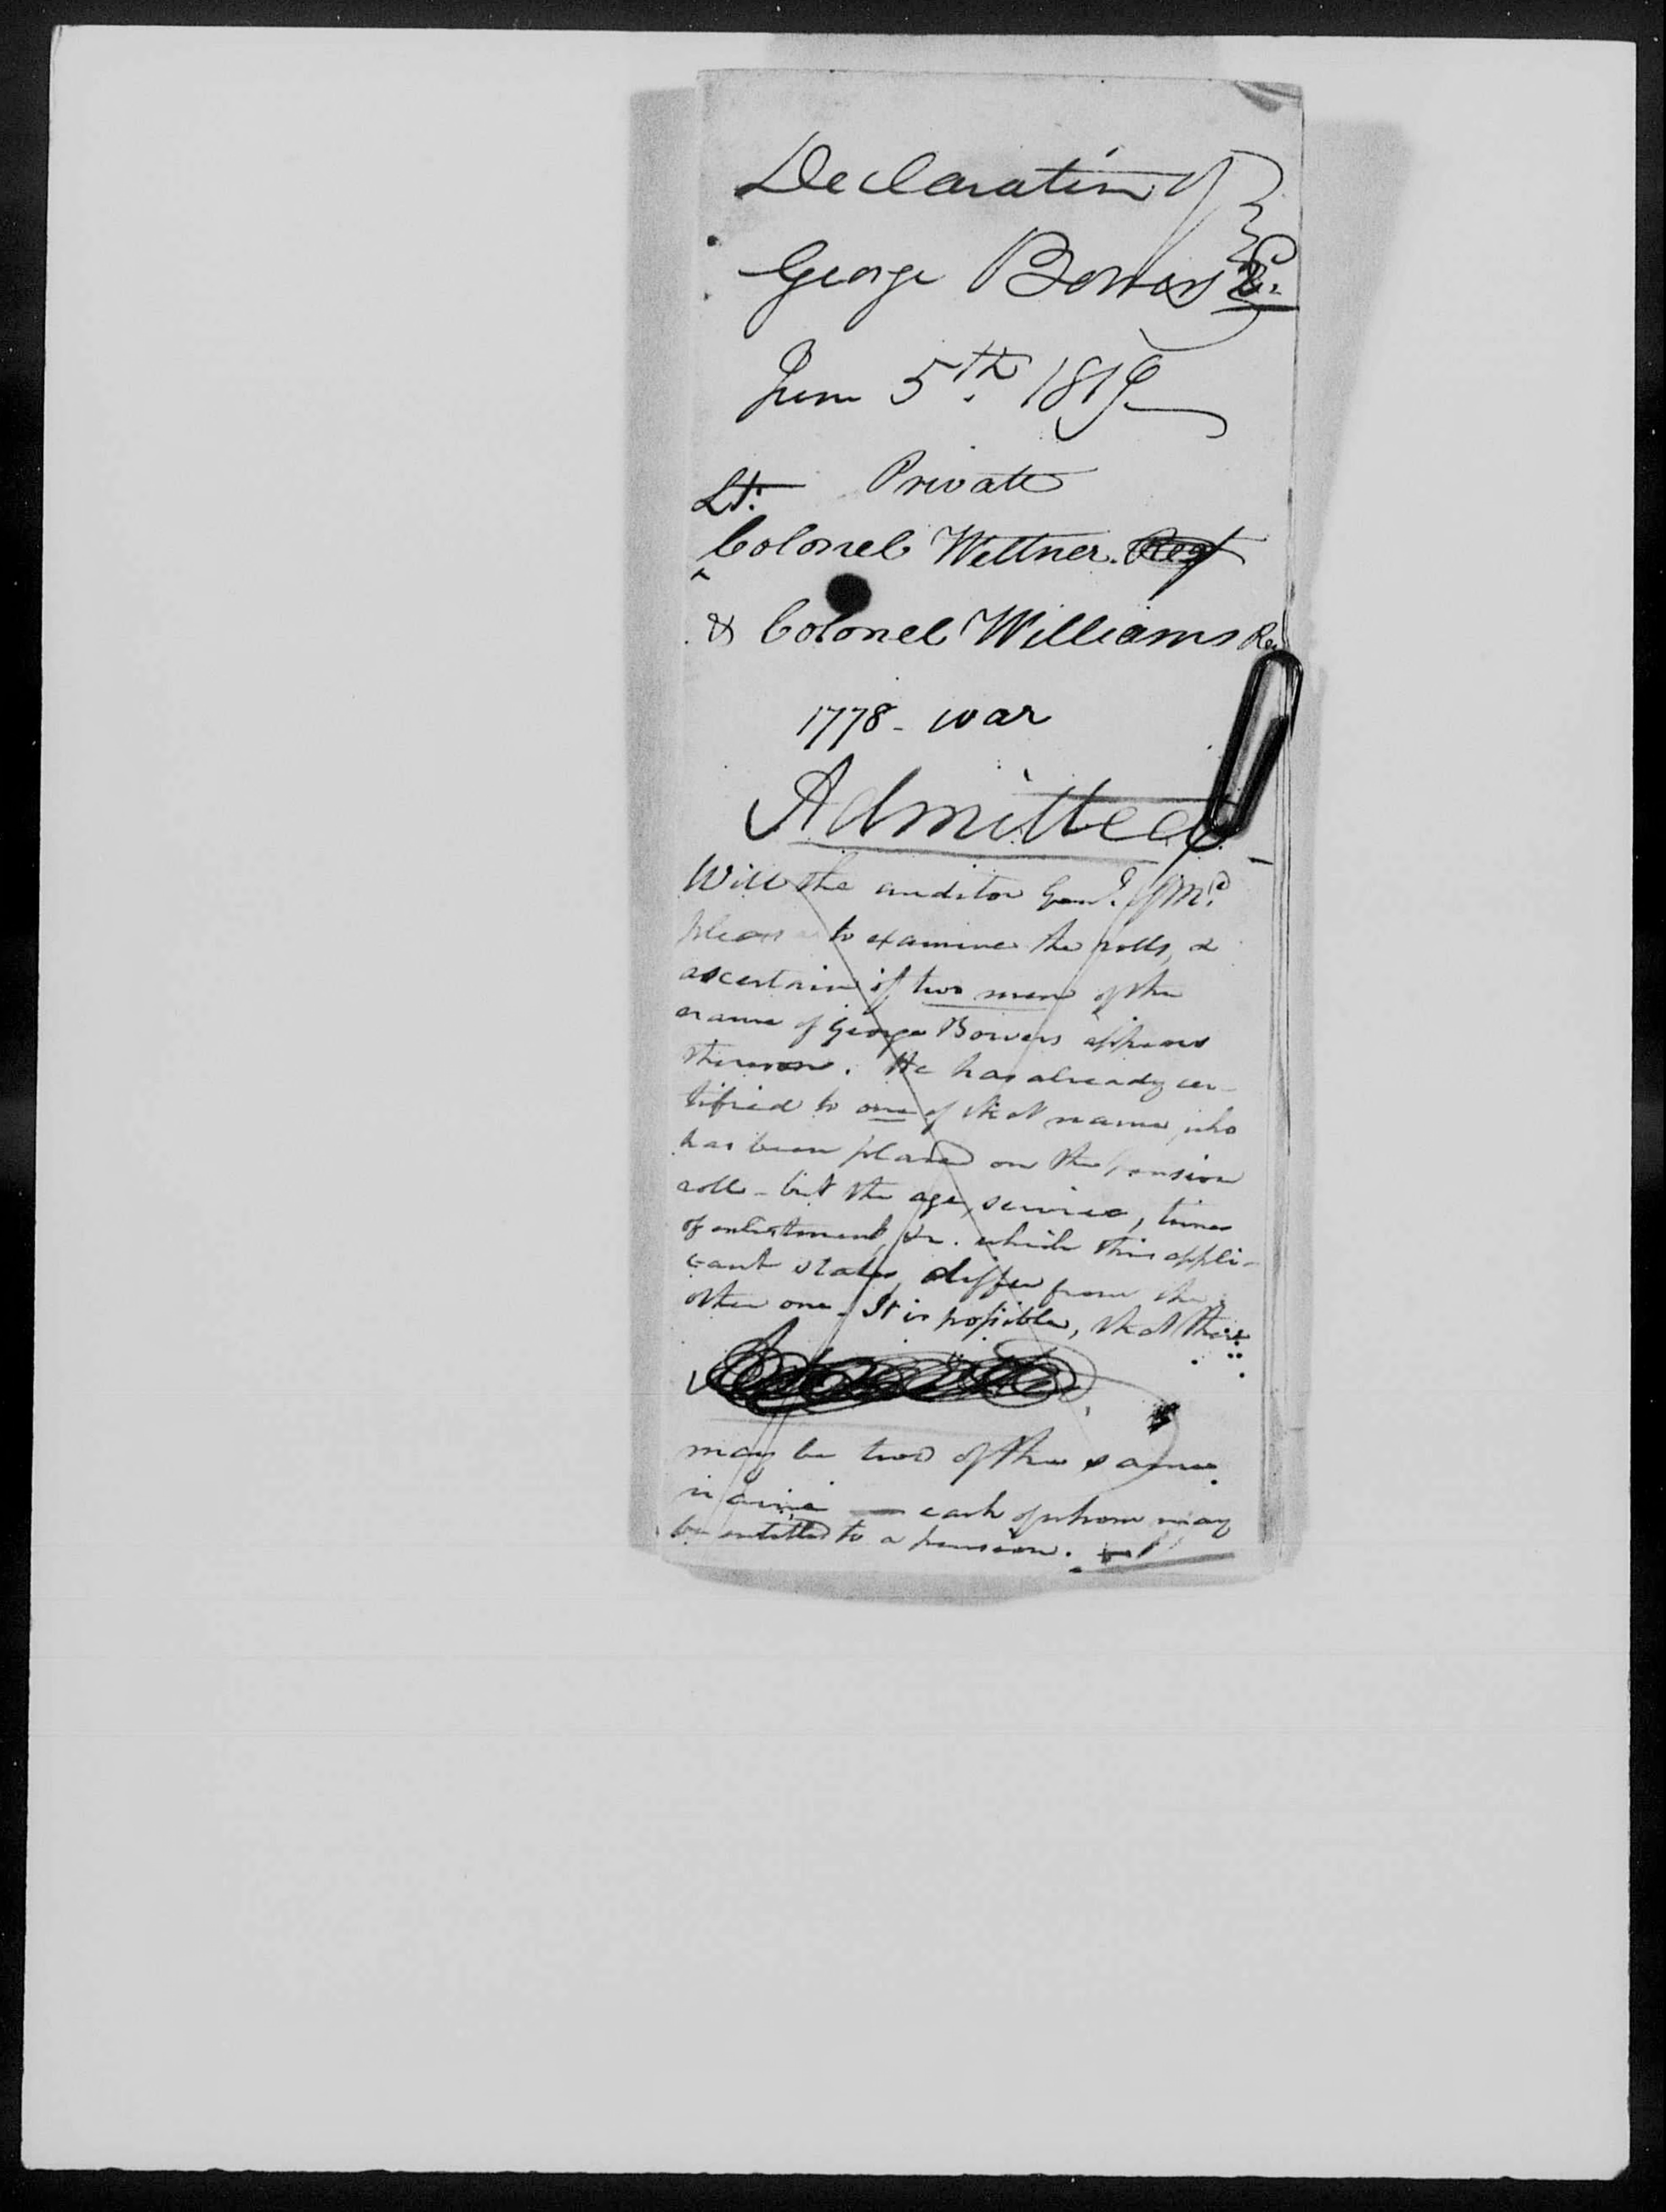[handwritten]
Declaration of 
George Bowers
June 5th. 1819
Private
Lt. Colonel Wiltner
& Colonel Williams
1778 – war
Admitted
Will the auditor Genl. of Md.
please to examine the rolls & 
ascertain if two men of the name
George Bowers appears thereon. He has already certified to one of that name, who has been placed on the pension roll – but the age, service, times of enlistment in which this appears [illegible] states differ from the other one. It is probable, that there may be two of the same name each of whom may be entitled to a pension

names: George Bowers, Weltner, , George Bowers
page: 3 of 19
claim: survivor's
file: S. 40,018, George Bowers, Md